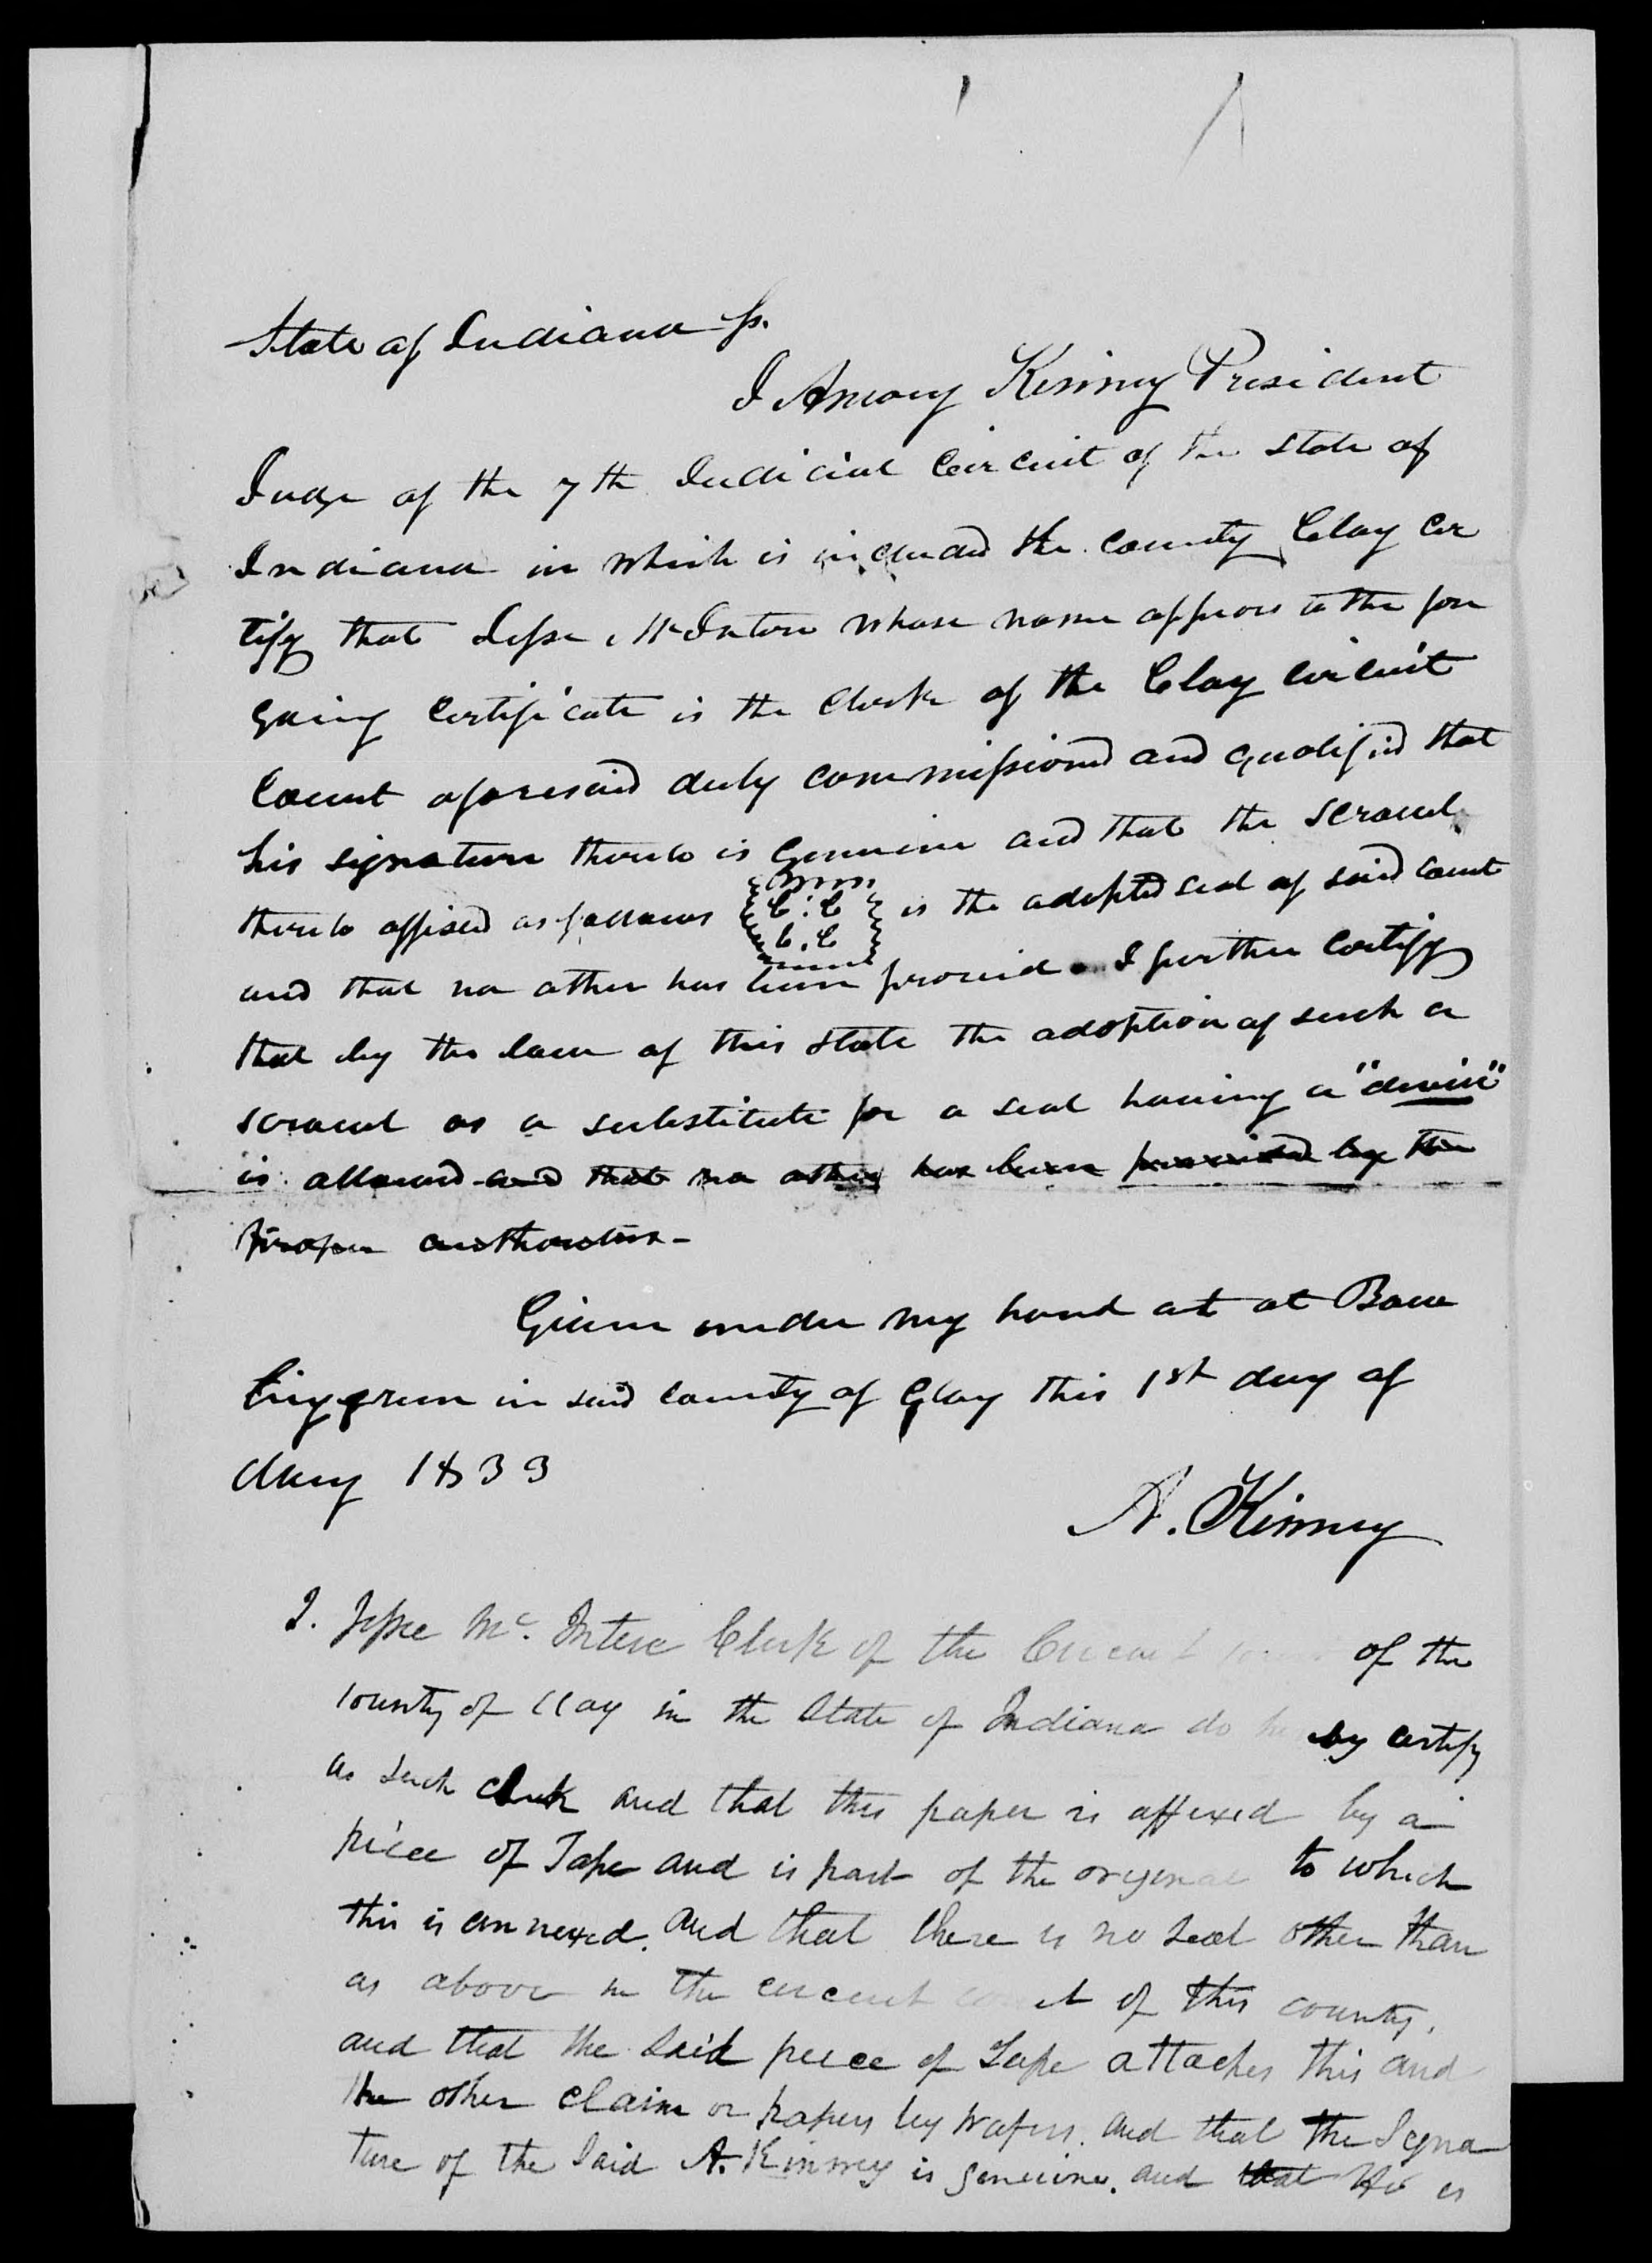State of Indiana 
I Amory Kinney President 
Judge of the 7th Judicial Circuit of the State of Indiana in which is included the County Clay certify that Jesse Mc Intire whose name appears in the for going certificate is the Clerk of the Clay Circuit Court aforesaid duly commissioned and qualified that his signature thereto is genuine and that the scrawl thereto affixed as follows is [here there is a hand drawn seal with the letters C:C over C.C inside the seal] the adopted seal of said Court and that no other has provised I further certify that by the law of this state the adoption of such a scrawl as a substitute for a seal having a"[illegeble]" is allowed and that no other has been provised by the proper authorition.

 Given under my hand at at Bowling Green in said County of Clay this 1st day of May 1833 
A. Kinney 

I Jesse McIntire Clerk of the Circuit Court of the County of Clay in the State of Indiana do hereby certify as such Clerk and that this paper is affixed by a piece of Tape and is part of the original to which this is annexed. And that there is no seal other than as above in the circuit court of this County. And that the said piece of Tape attaches this and the other claim or papers by [illegible], and that the signature of the said A. Kinney is genuine, and that his is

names: Jesse Mc Intire; Amory Kinney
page: 5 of 23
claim: rejected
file: R. 6533, for Jacob Luther, Maryland